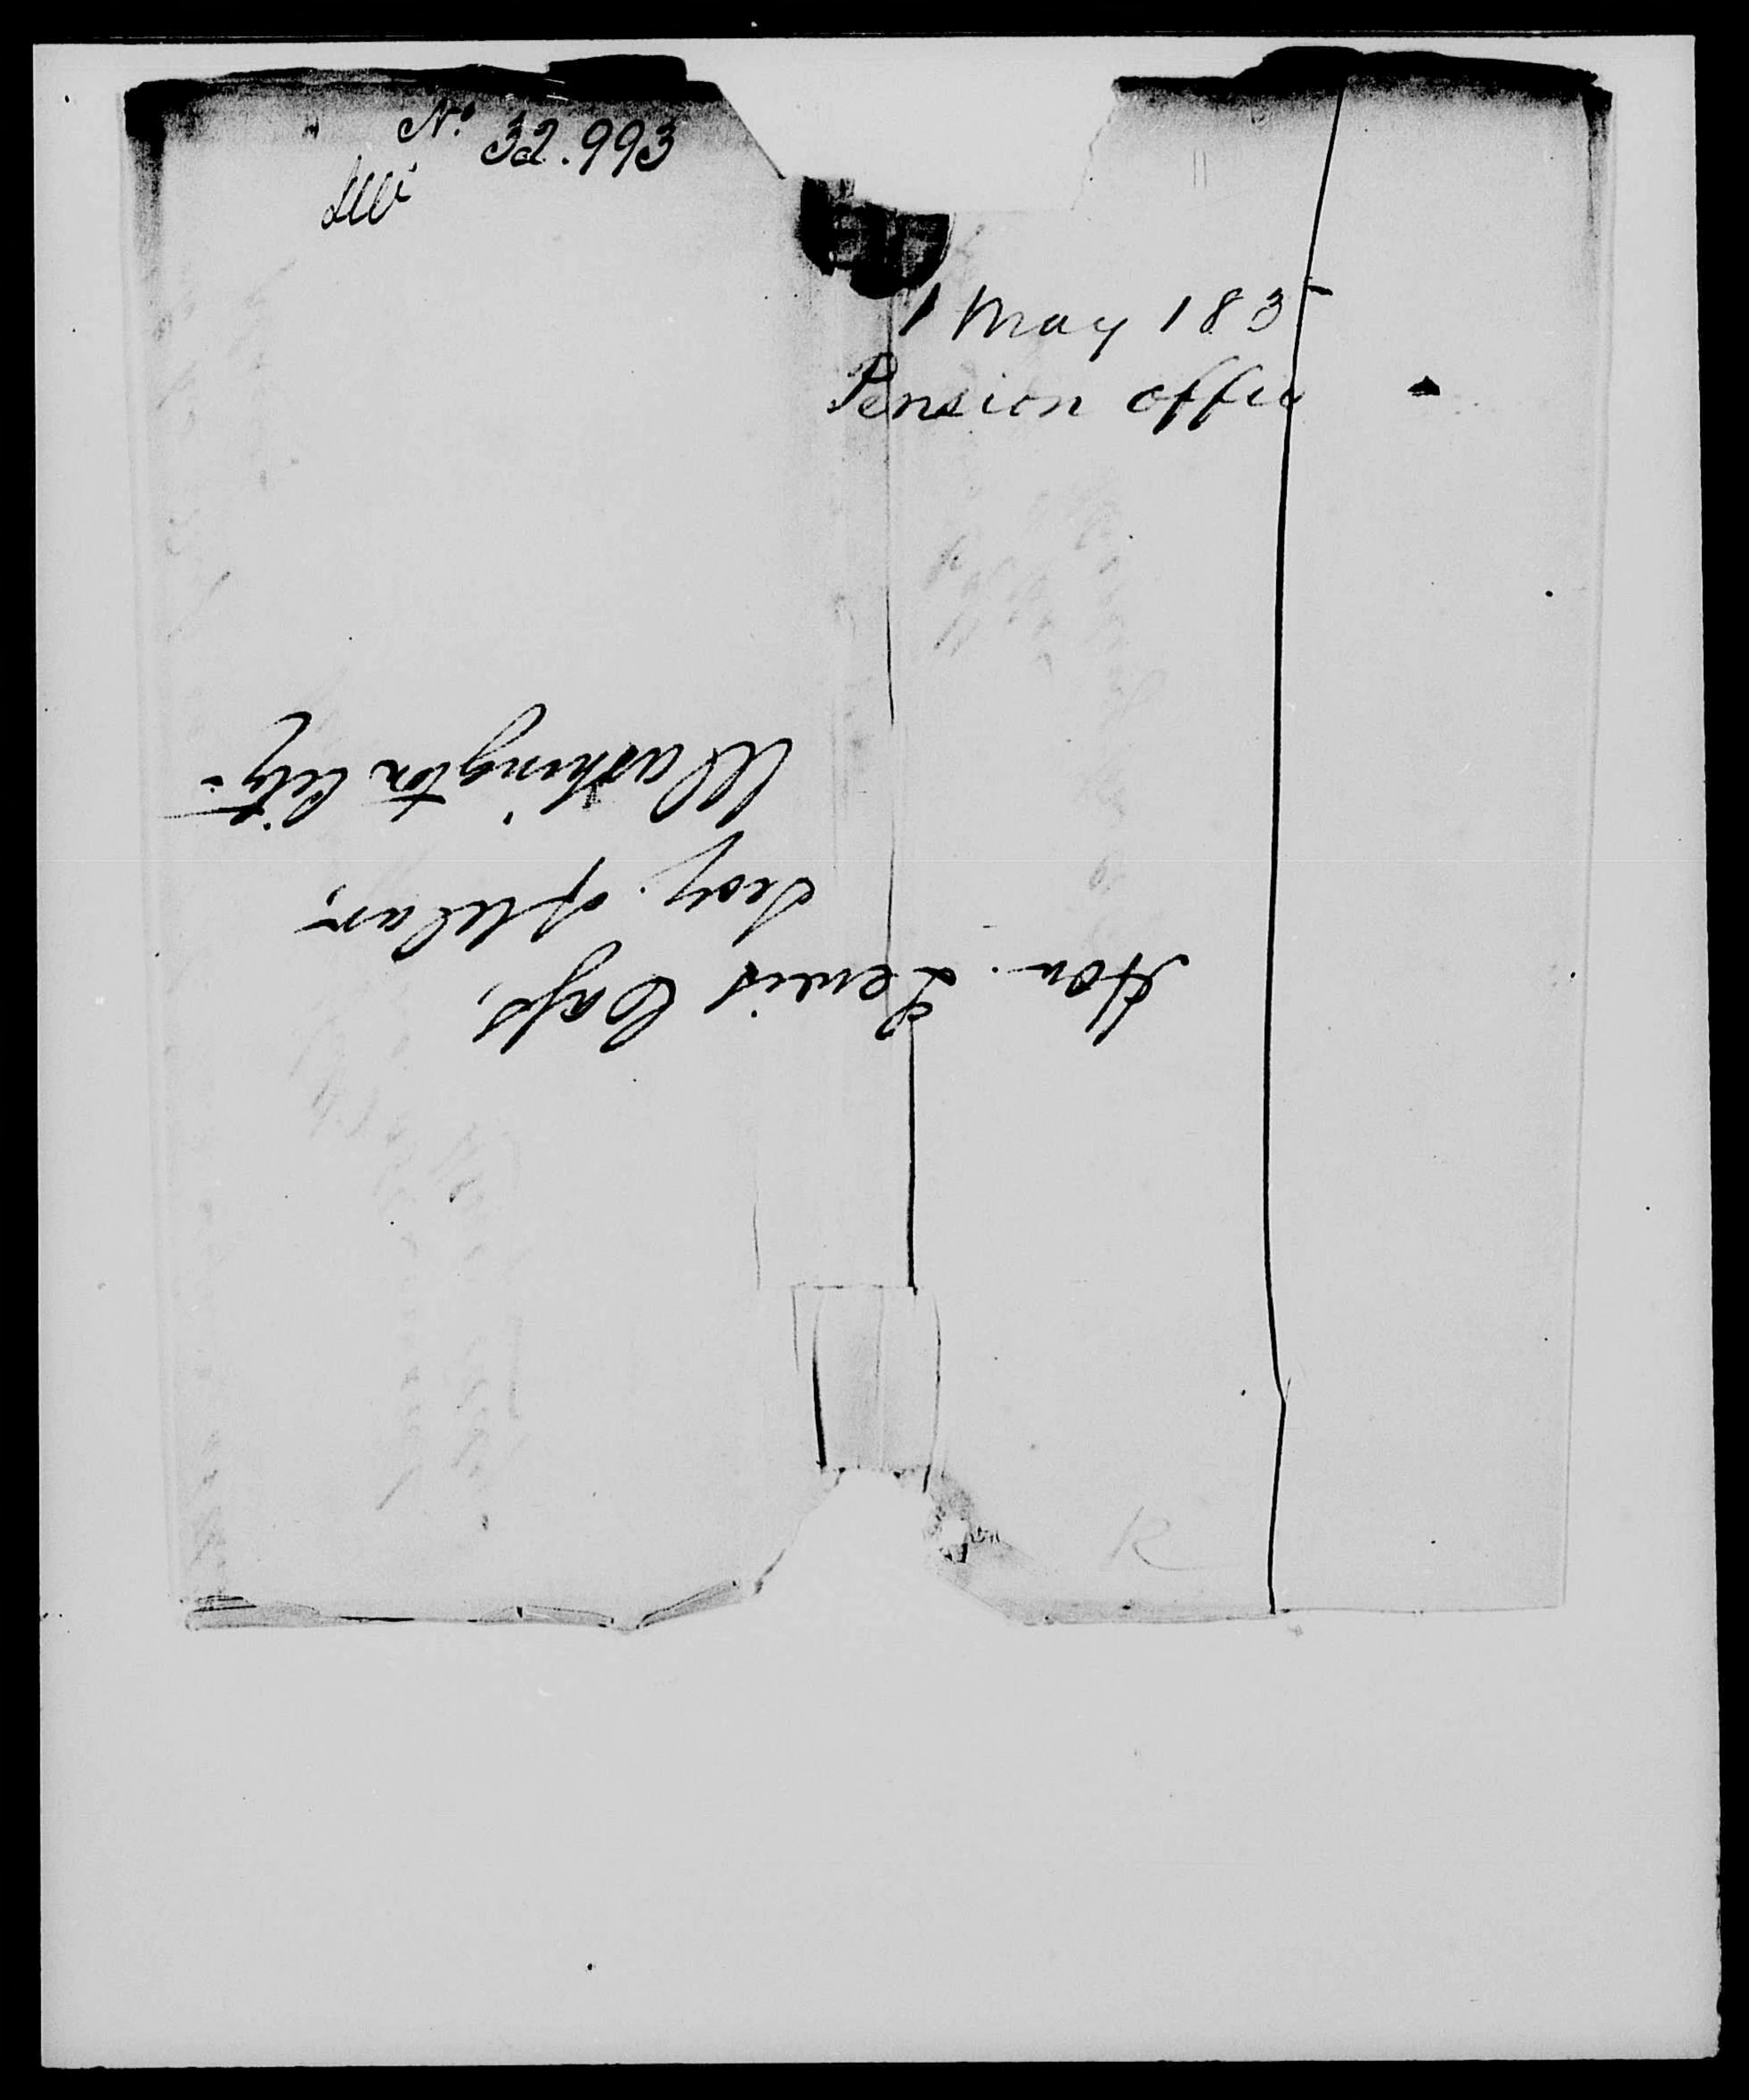No. 32.993
Ills.
1 May 1835
Pension office

Hon. Lewis Cass,
Secy of War,
Washington City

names: Lewis Cass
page: 21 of 29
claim: rejected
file: R. 3010, Charles Donaway, Va.